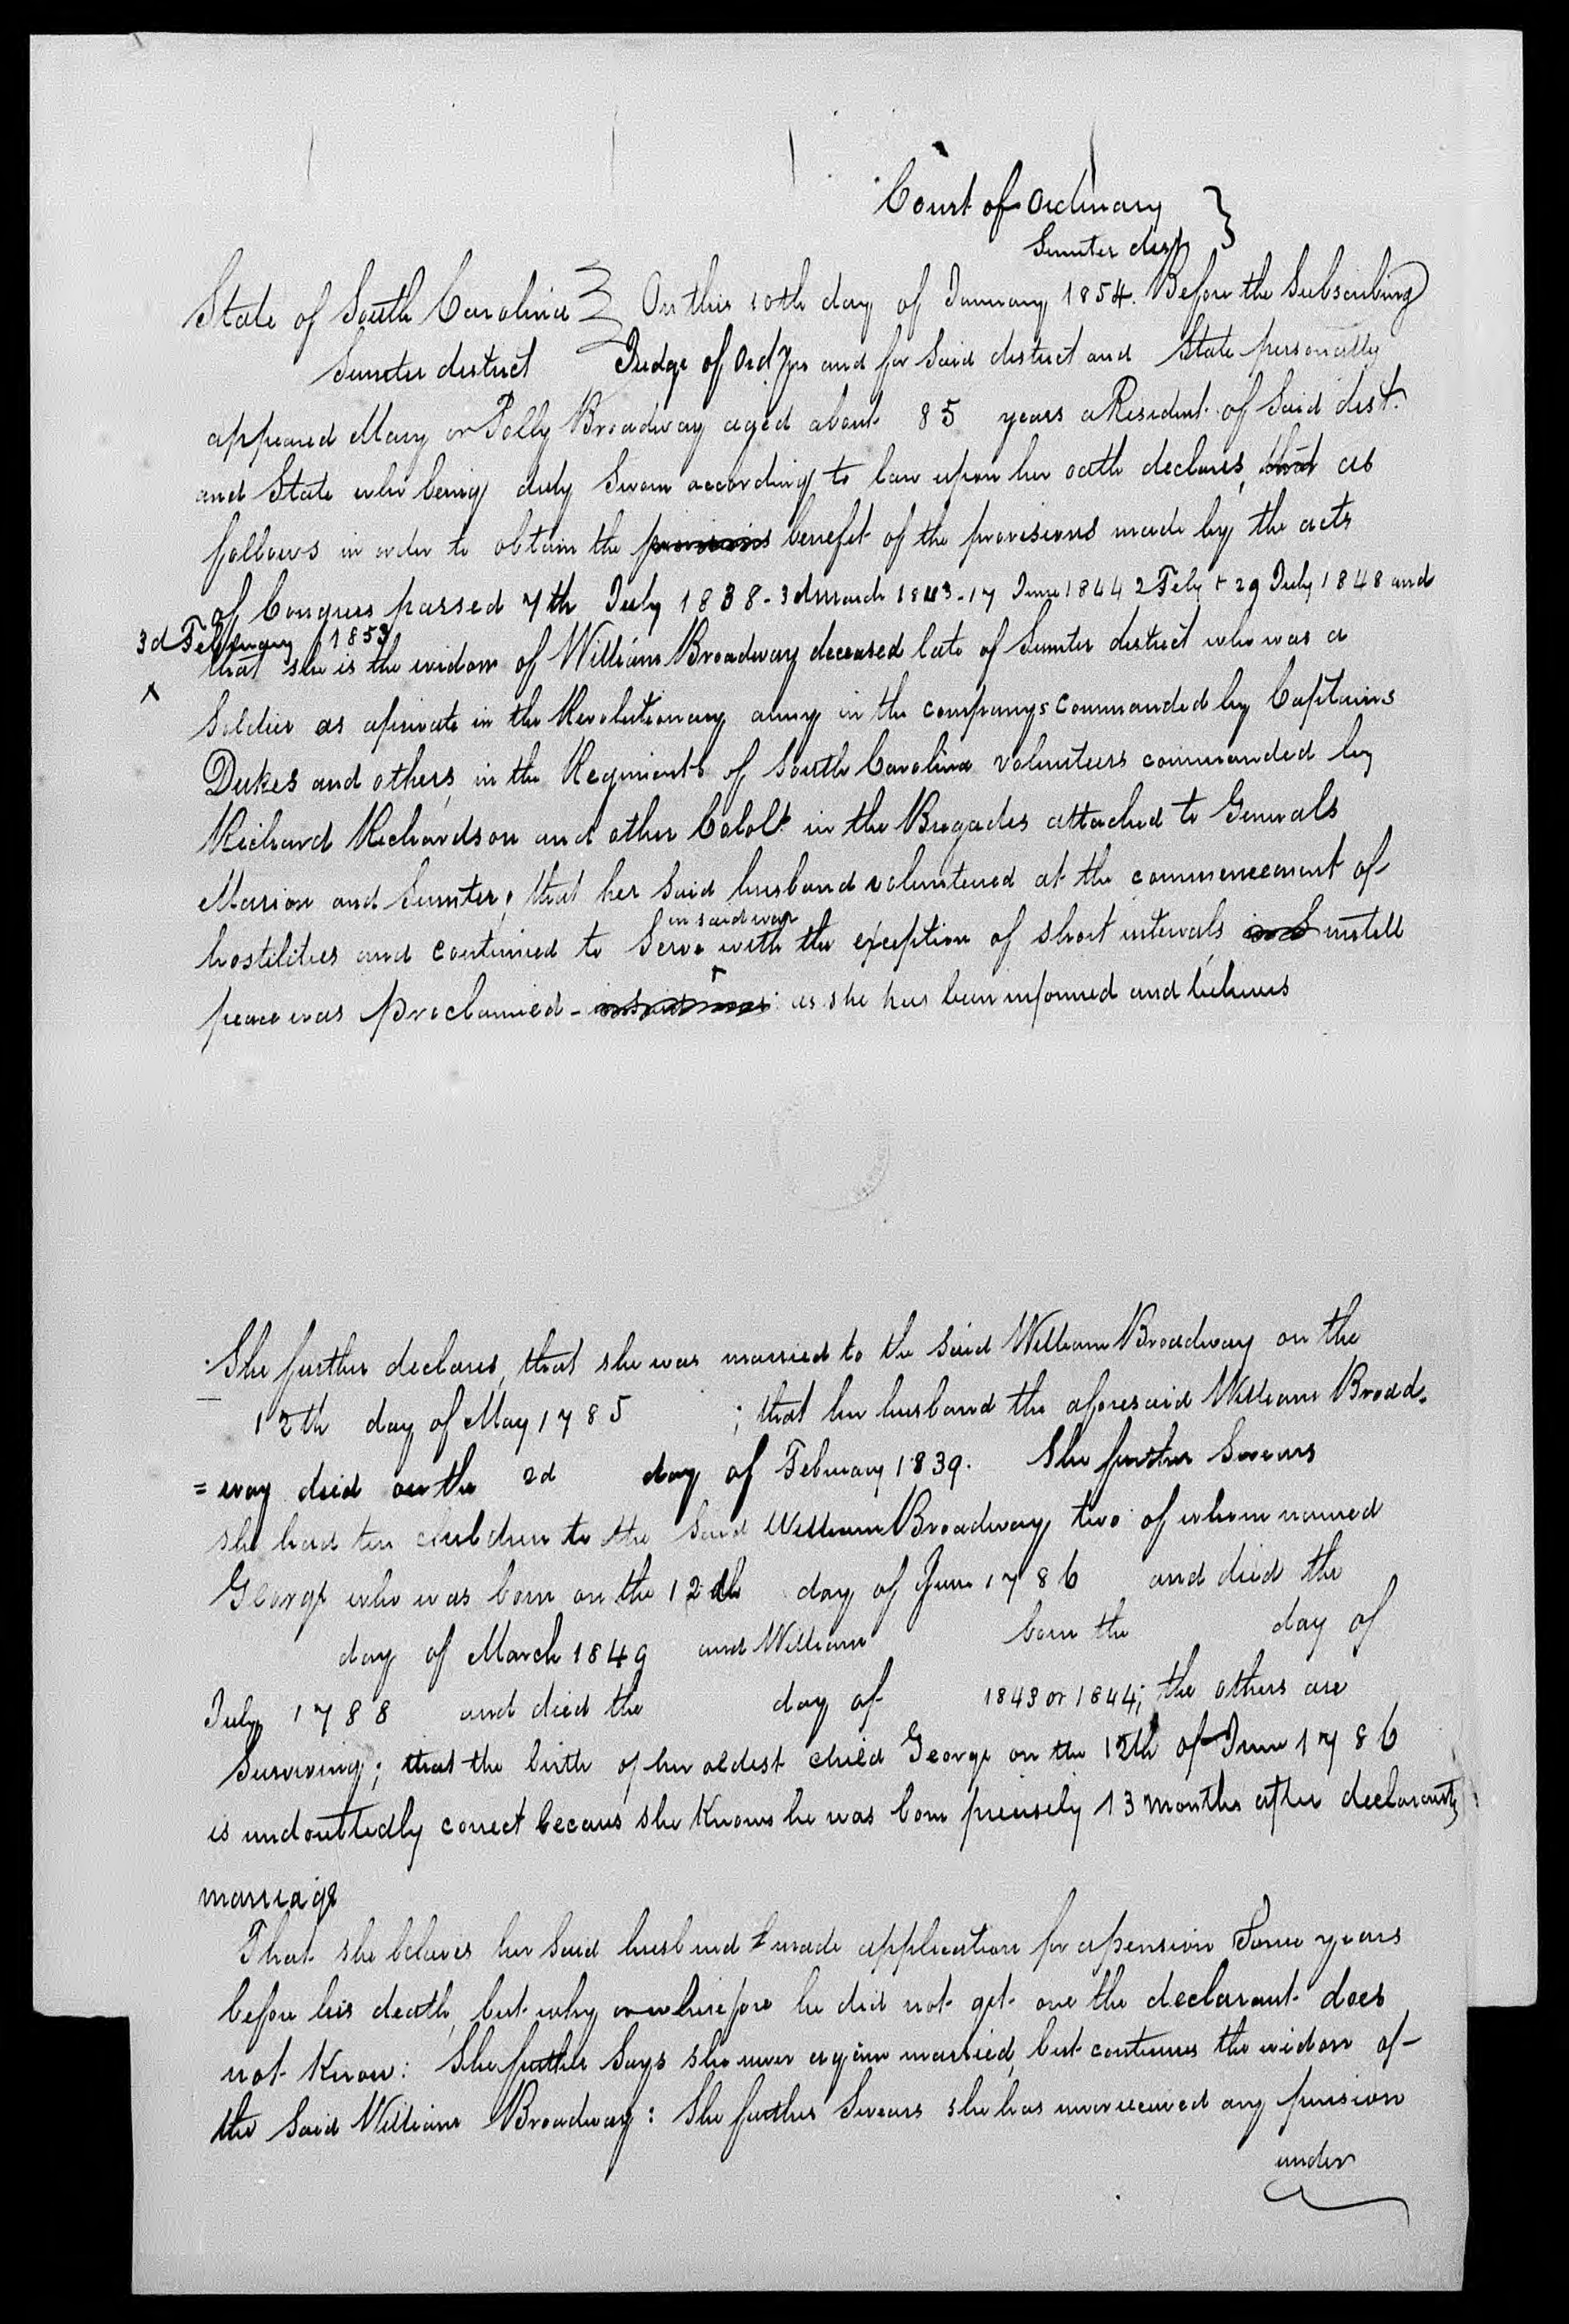Court of Ordinary }
Sumter Dist.          } 
State of South Carolina } On this  10th day of January  1854  before the subscribing Judge of  Ord.  in and for said District  and State personally appeared  Mary or  Polly Broadway aged  about  85 years  a resident of said Dist.  and State who being  duly sworn  according to law upon  her oath declares as follows  in   order to obtain the benefit of the provisions made  by the acts of Congress  passed 7th July 1838 , 3 March 1843, 17 June 1844, 2 Feby  & 29 July 1848  and 3rd February  1853, that she is the widow of William Broadway  deceased late of Sumter District who was a soldier as a private in the Revolutionary army  in the company commanded by Captains Dukes and others in the Regiment  of South Carolina  volunteers commanded by Richard Richardson and other  Col.s of the Brigade  attached to Generals  Marion and  Sumter ; that her said husband volunteered at the commencement of hostilities and continued to serve in said war  with the exception of short intervals   until peace was  proclaimed as she has been informed and believes. She further declares that she was married to the said William Broadway  on the 12th day of May  1785  ; that her husband the aforesaid William Broadway  died on the 2nd day of February  1839 . She further  swears she had ten children to the said  William Broadway  two of whom  named George who was born  on the 12th day of June 1786  and died the  __ day of March 1849  and William  born the  __ day of July  1788  and died  the __ day of  1843 or  1844 , the others are surviving ; that  the birth of her oldest child George on the 12th of June  1786  is undoubtedly  correct  because she knows he was born precisely  13 months after this declarant's marriage. That she believes her said husband made application  for a pension some years before his death but why  or wherefore he did not get one.  this declarant does not know. She further says she  never  again married , but continues the widow of the said William Broadway  : She further declares  she has  never received any pension under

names: Sumter, William, George, Polly Broadway, William Broadway, George, Richard Richardson, William Broadway, William Broadway, Marion, Dukes, William Broadway, William Broadway, Mary Broadway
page: 4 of 98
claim: widow's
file: W. 8398, William Broadway, S.C.